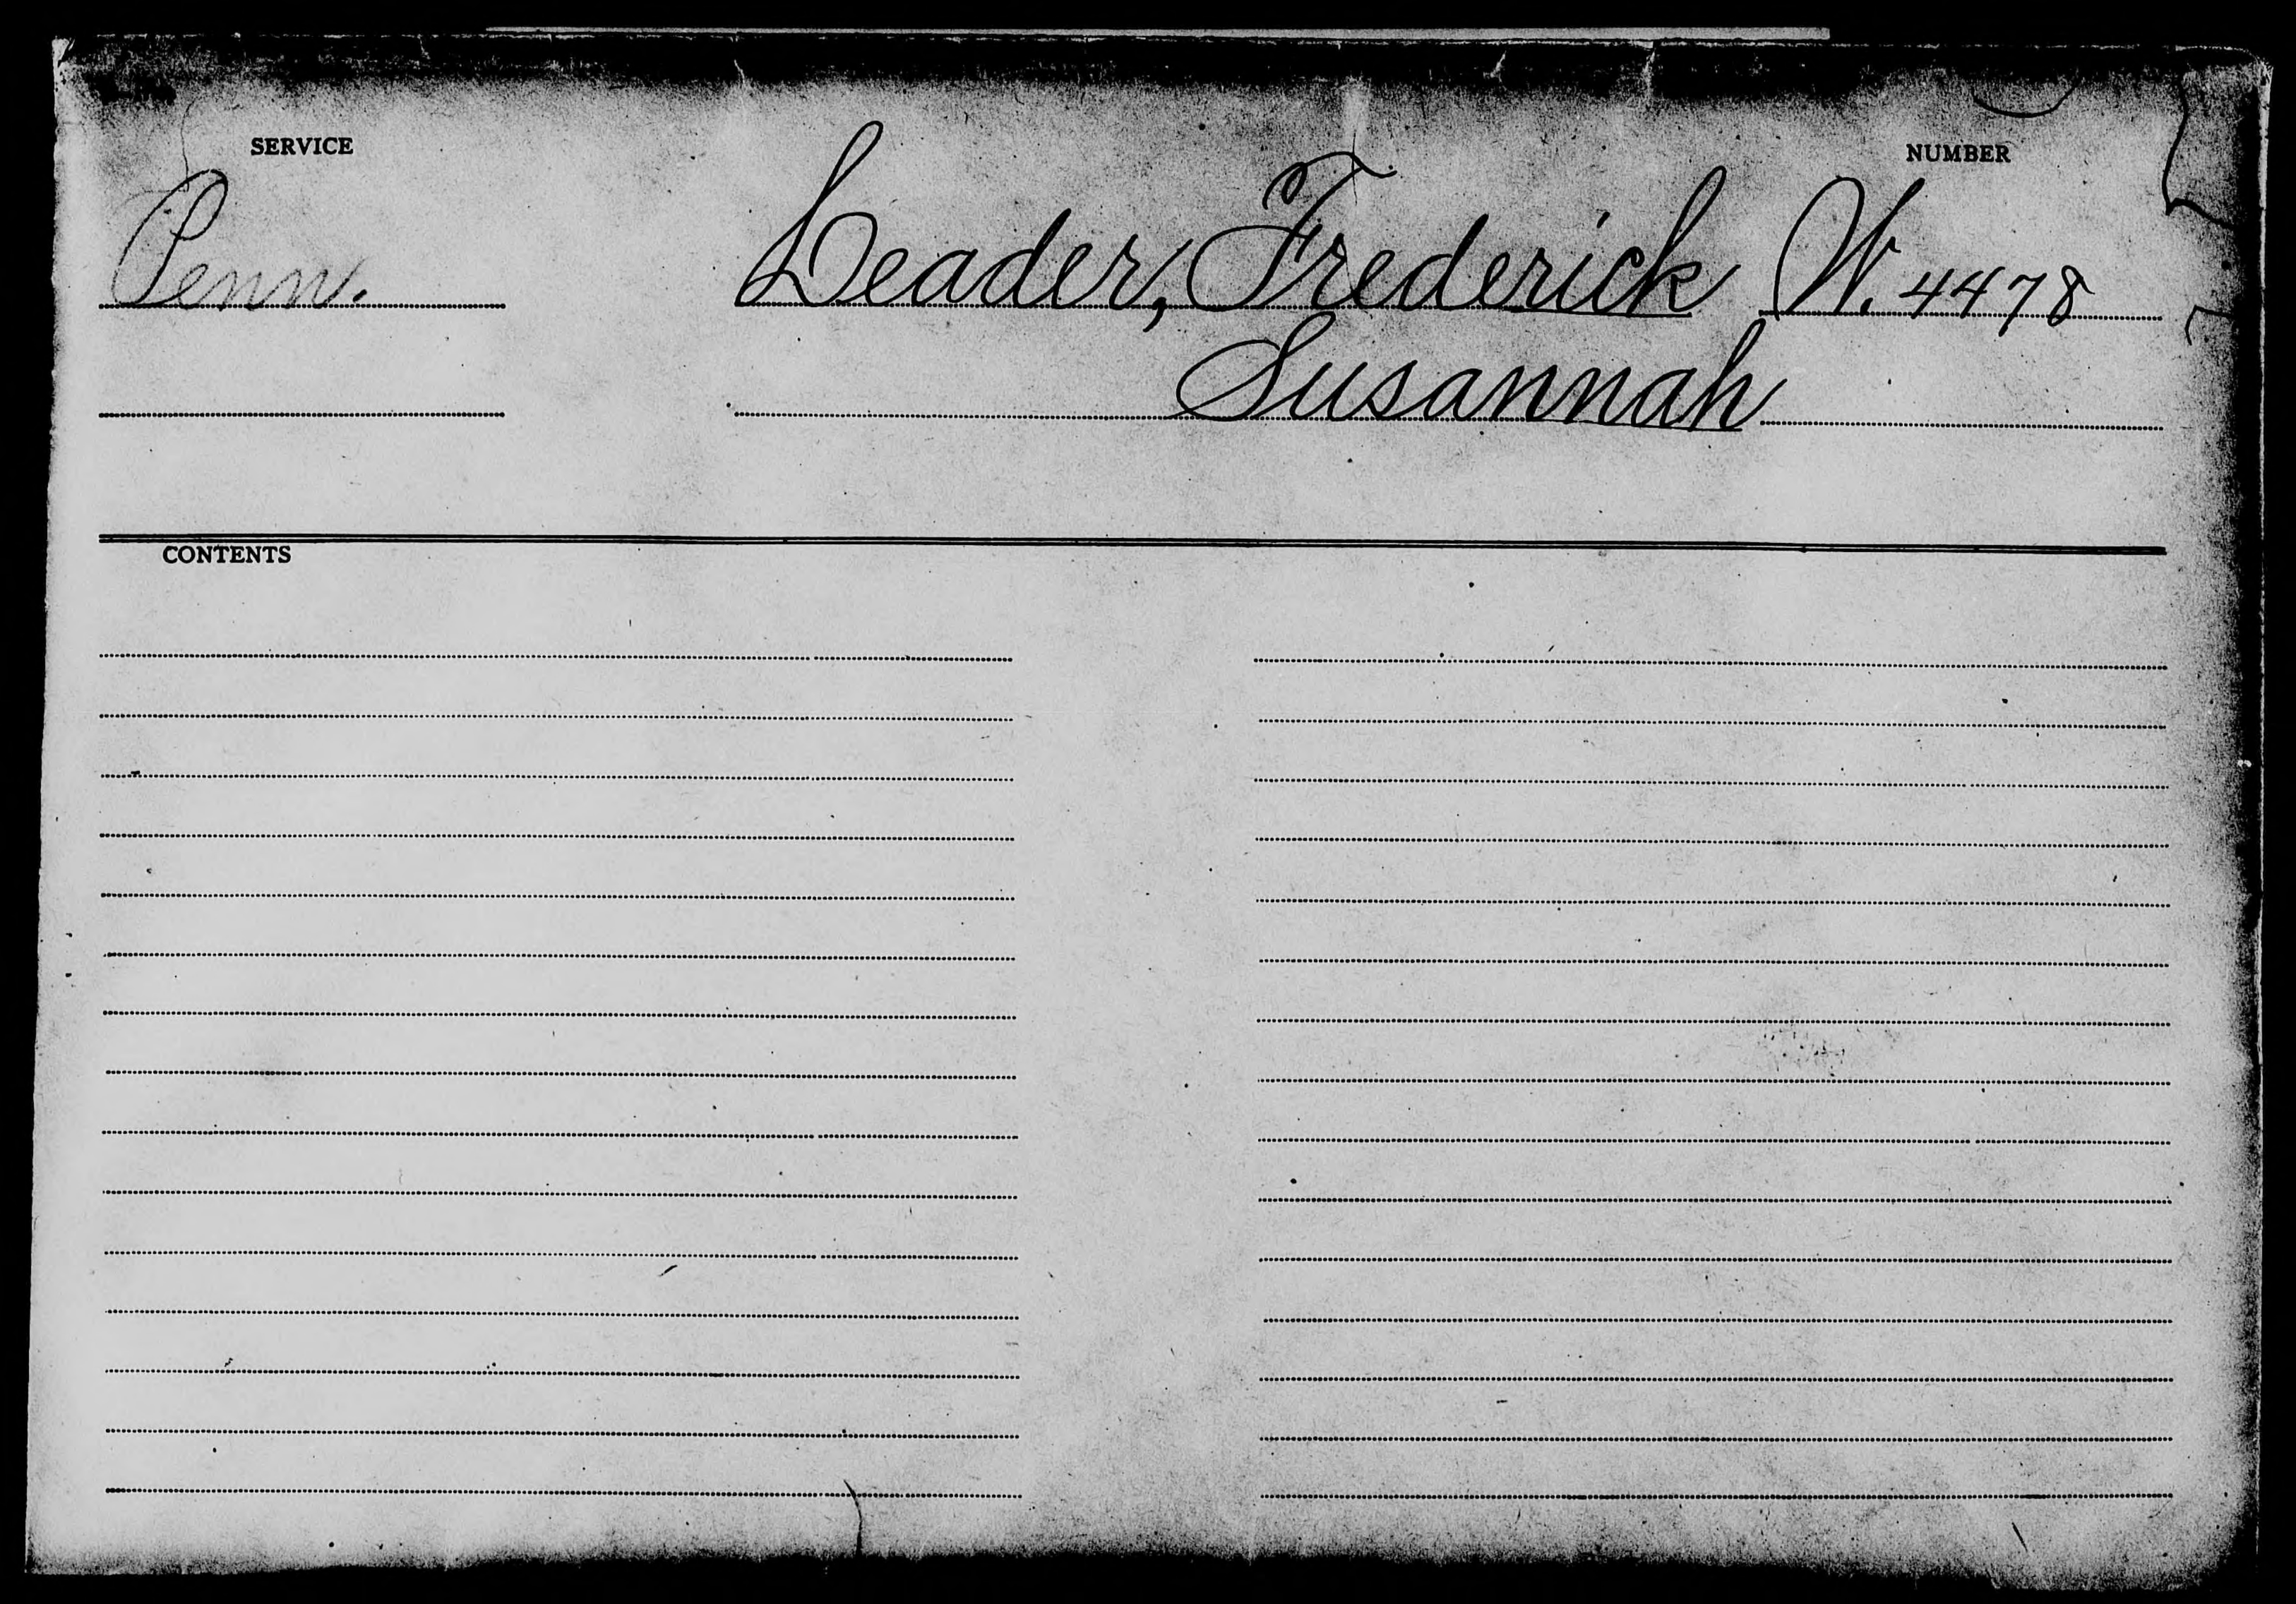(S-1776)

SERVICE NUMBER

[handwritten] Penn. Leader, Frederick W. 4478
Susannah

CONTENTS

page: 1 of 36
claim: widow's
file: W. 4478, for Frederick Leader, Pennsylvania